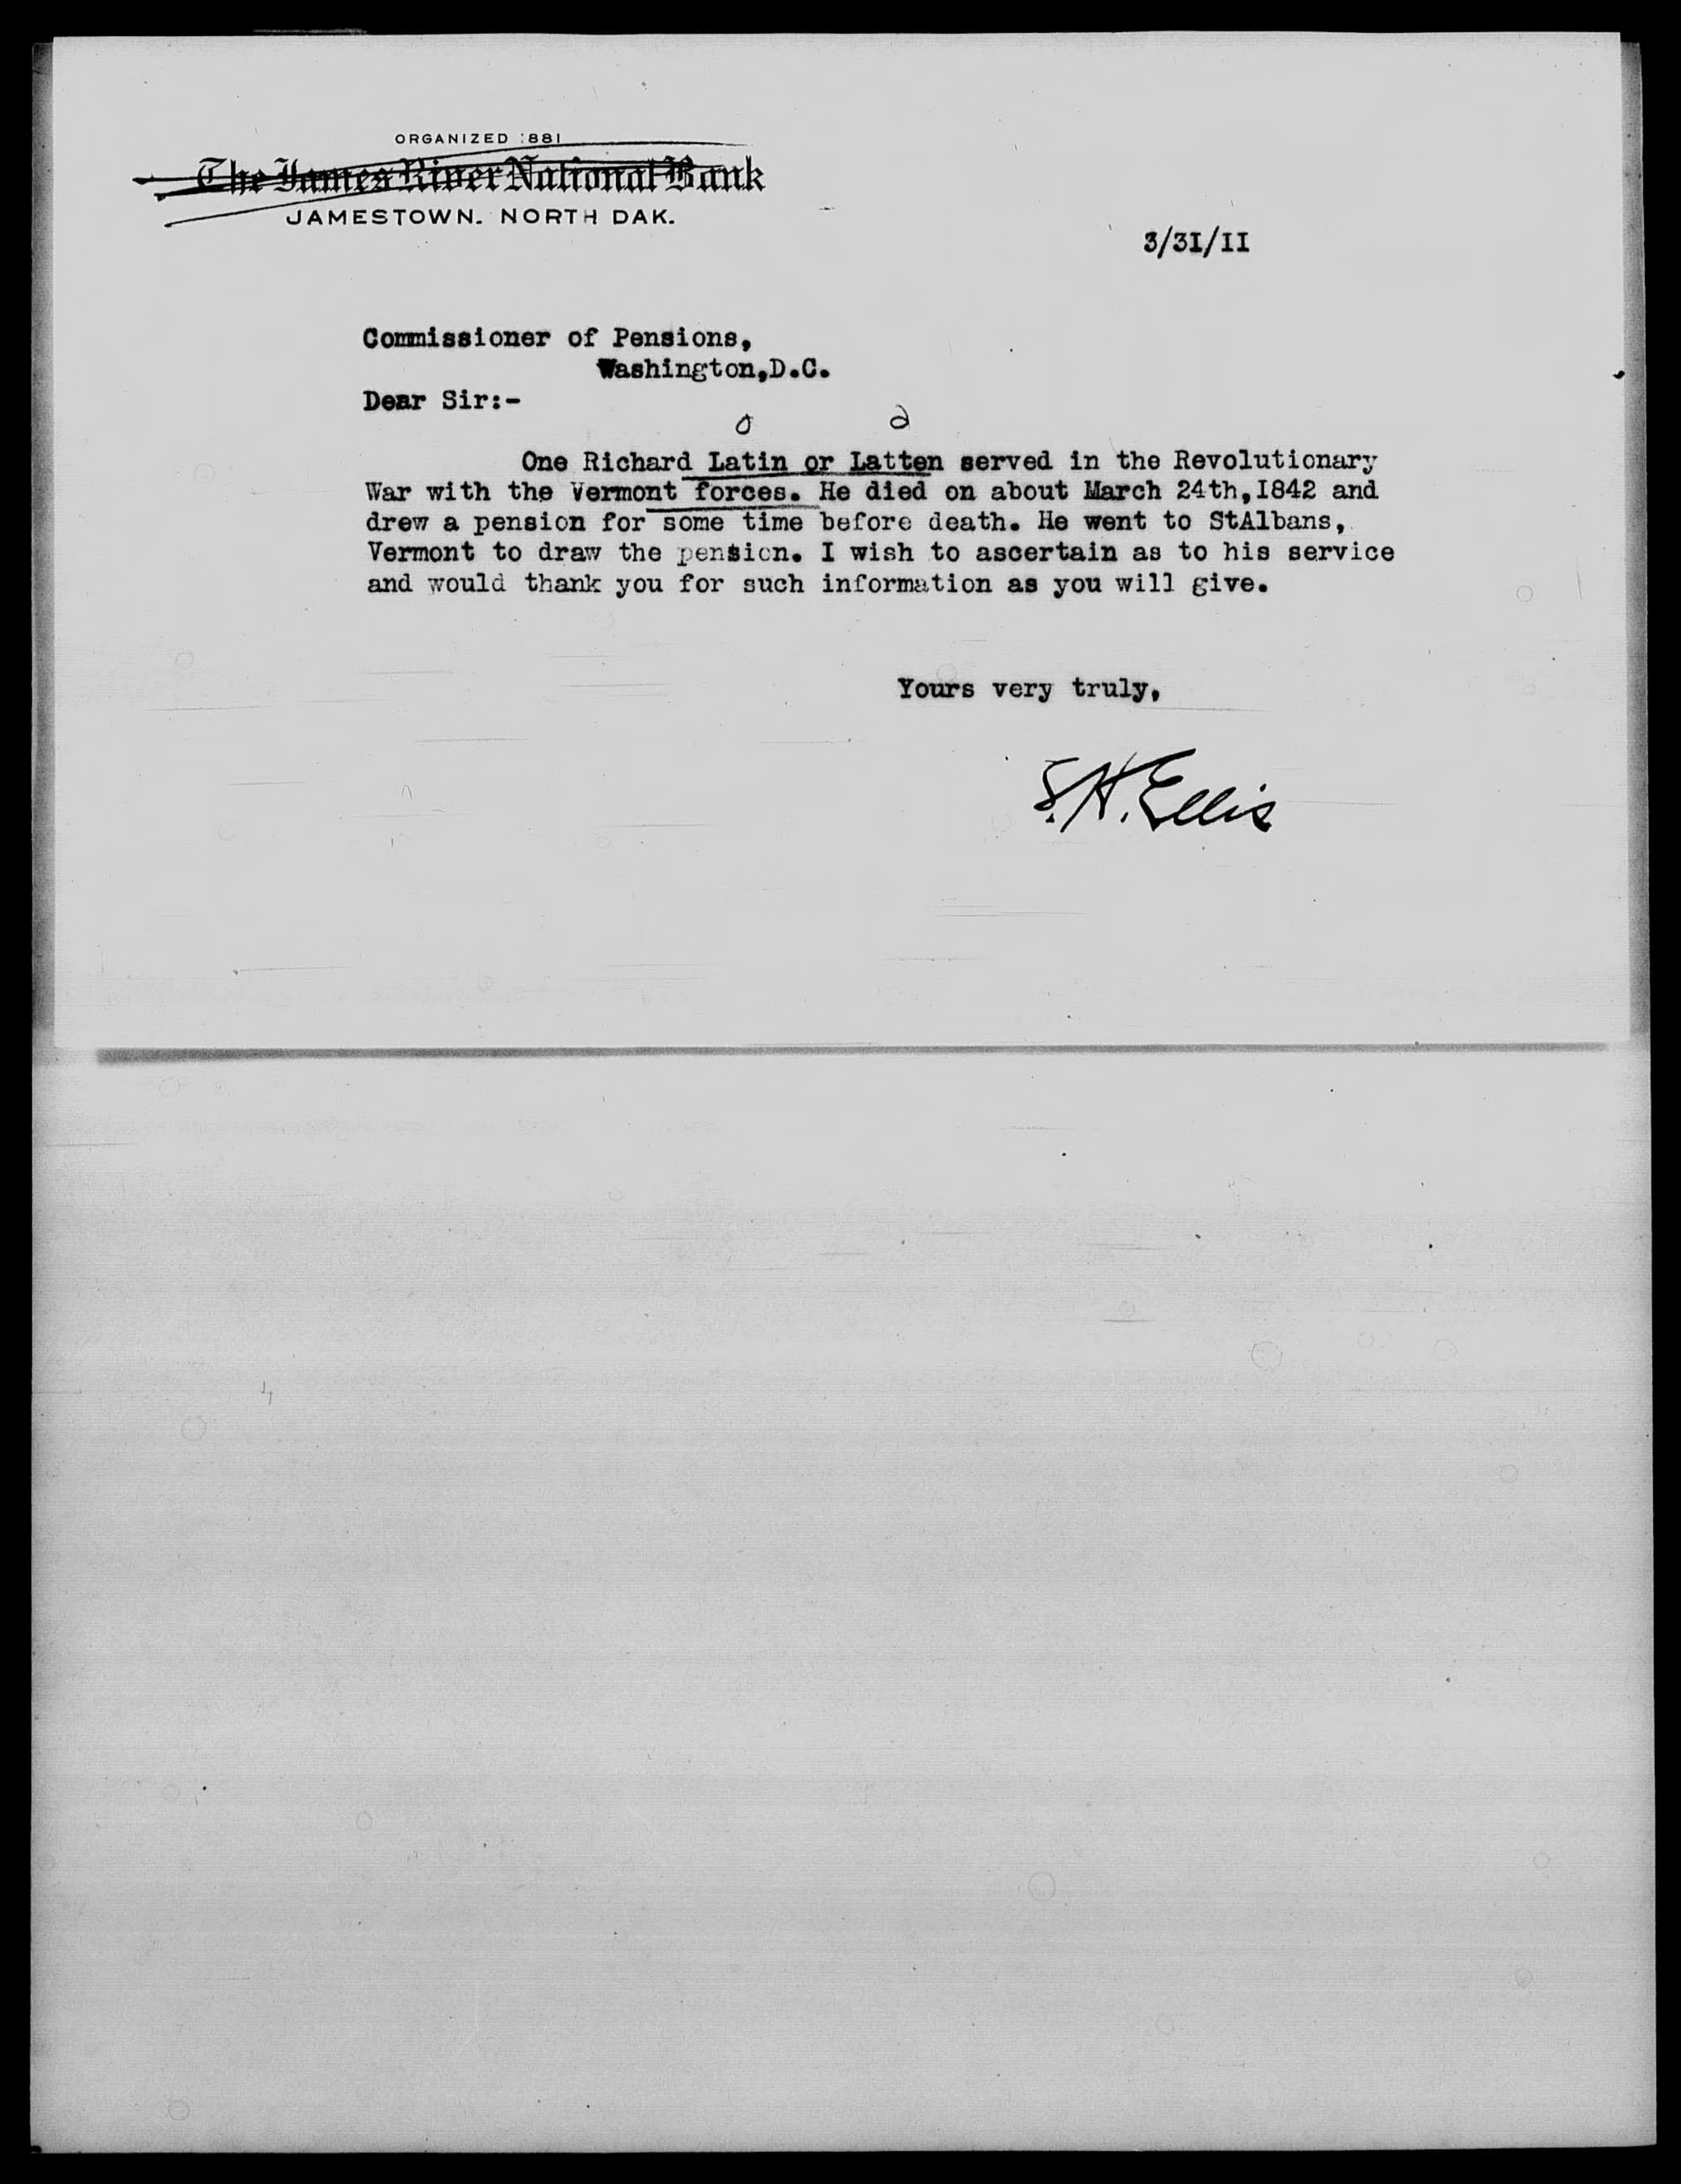ORGANIZED 1881
The James River National Bank
JAMESTOWN NORTH DAK.
3/ 31 /11

Commissioner of Pensions,
Washington, D. C.

Dear Sir:-
One Richard Latin or Latten served in the Revolutionary War
with the Vermont forces. He died in about March 24th, 1842 and drew a pension for some time before death. He went to St Albans, Vermont to draw the pension. I wish to ascertain as to his service and would thank you for such information as you will give. 
Yours very truly,
S. H. Ellis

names: Richard Latin; Richard Latten; L H Ellis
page: 59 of 99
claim: widow's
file: W. 24,482, for Richard Lattin, Vermont